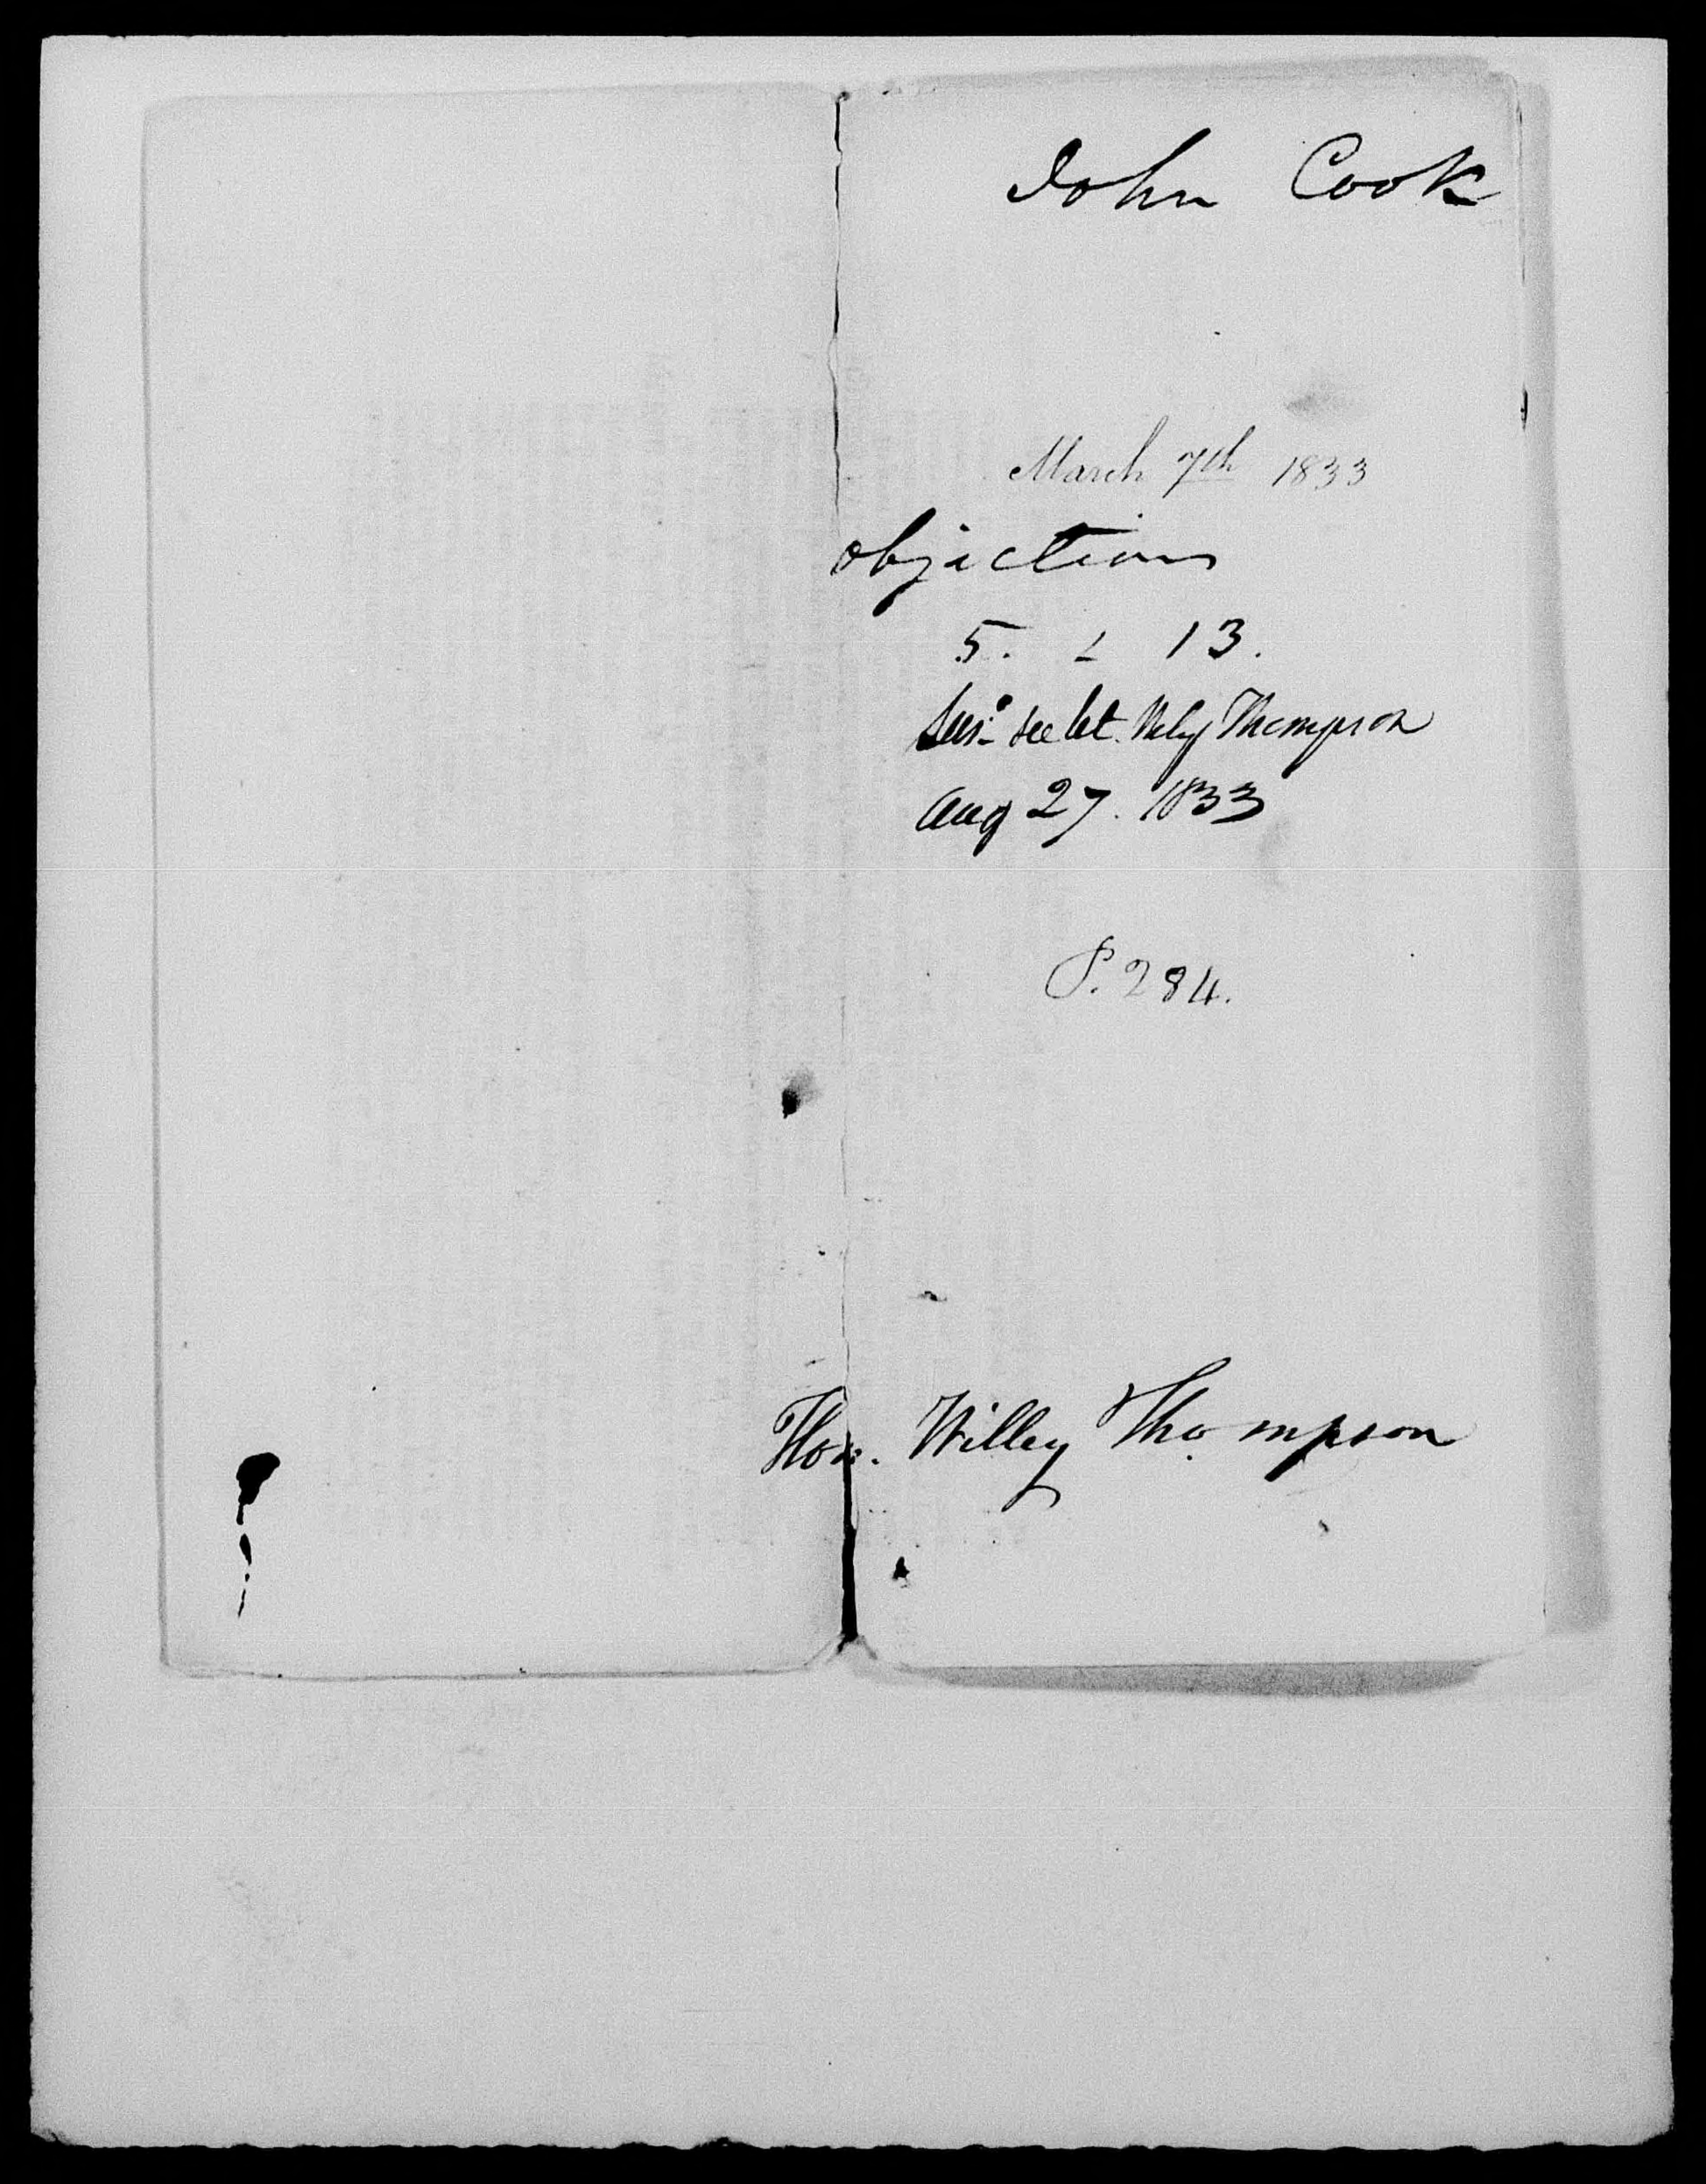John Cook

March 7th 1833
objections
5. L 13.
[illegible] see let. Wiley Thompson
Aug 17. 1833

P. 284.

Hon. Willey Thompson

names: Wiley Thompson, John Cook, Willey Thompson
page: 9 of 18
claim: survivor's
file: S. 16,343, John Cook, N.C.